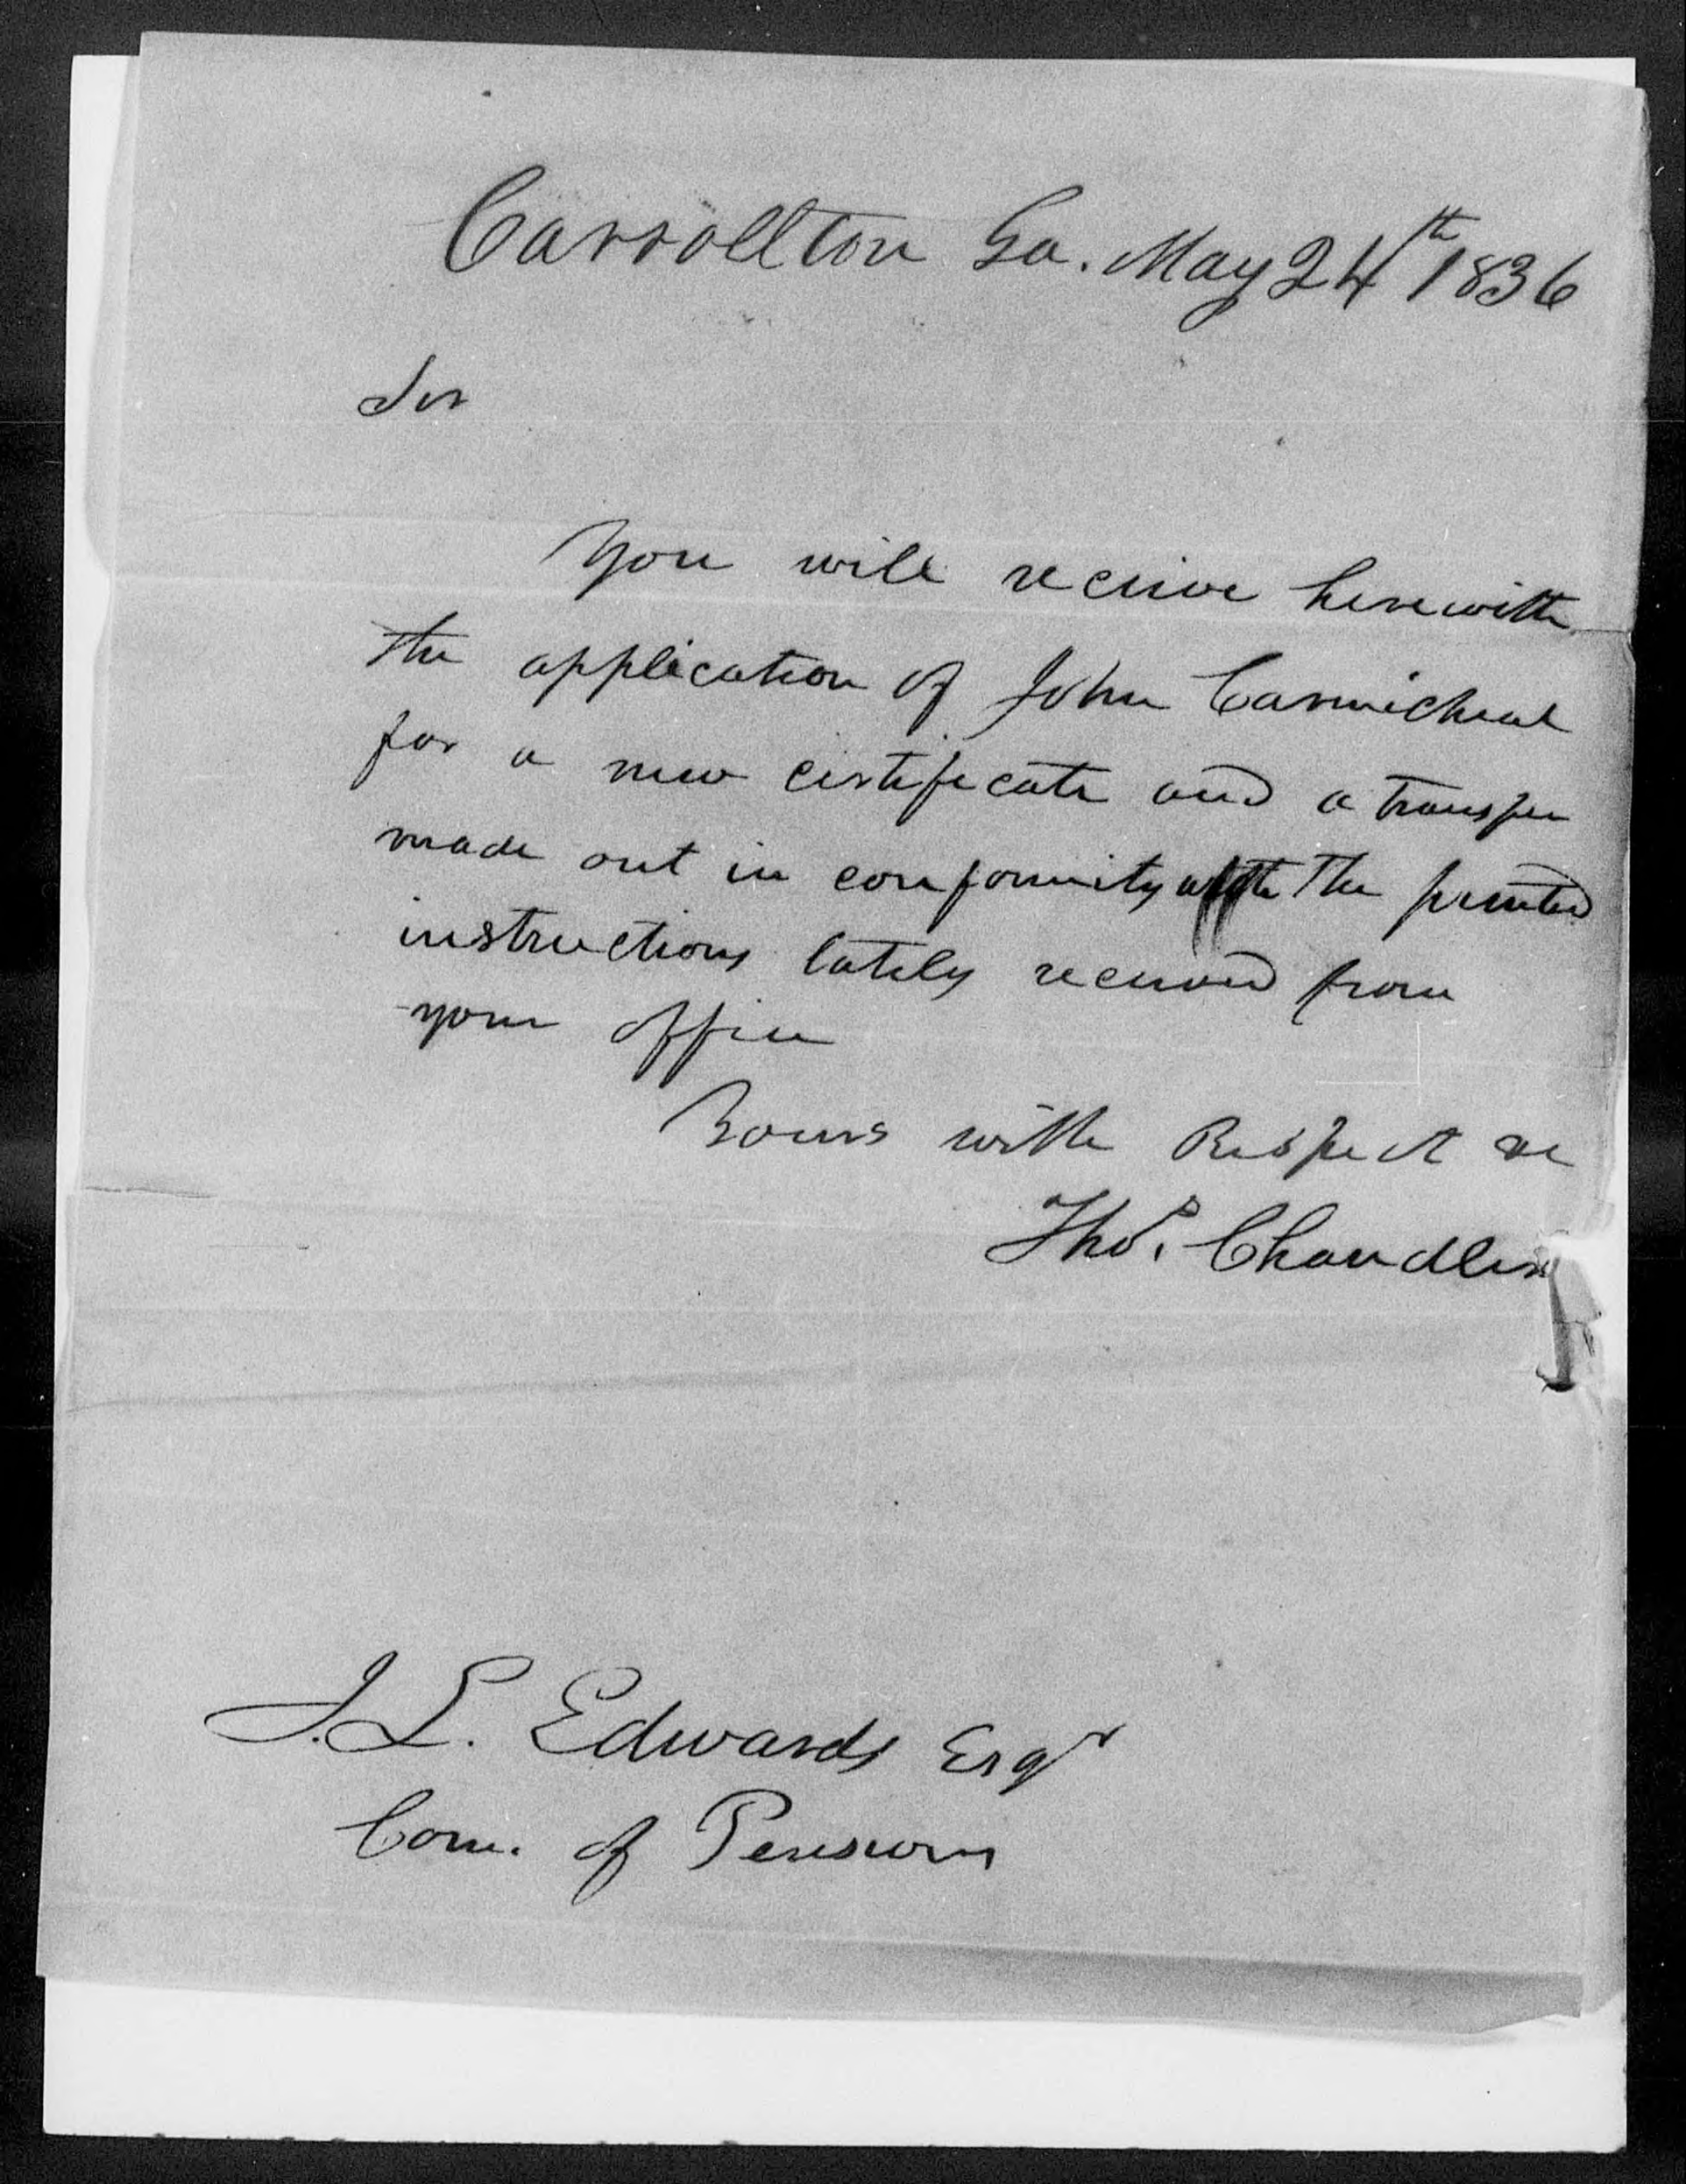Carrollton Ga. May 24th 1836

Sir

You will receive herewith the application of John Carmicheal[sp] for a new certificate and a transfer made out in conformity with The printed instructions lately received from your office

Yours with Respect &c

Thos. Chandler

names: J L Edwards, Thos Chandler, John Carmicheal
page: 29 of 42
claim: survivor's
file: S. 31,595, John Carmickele, Penn.